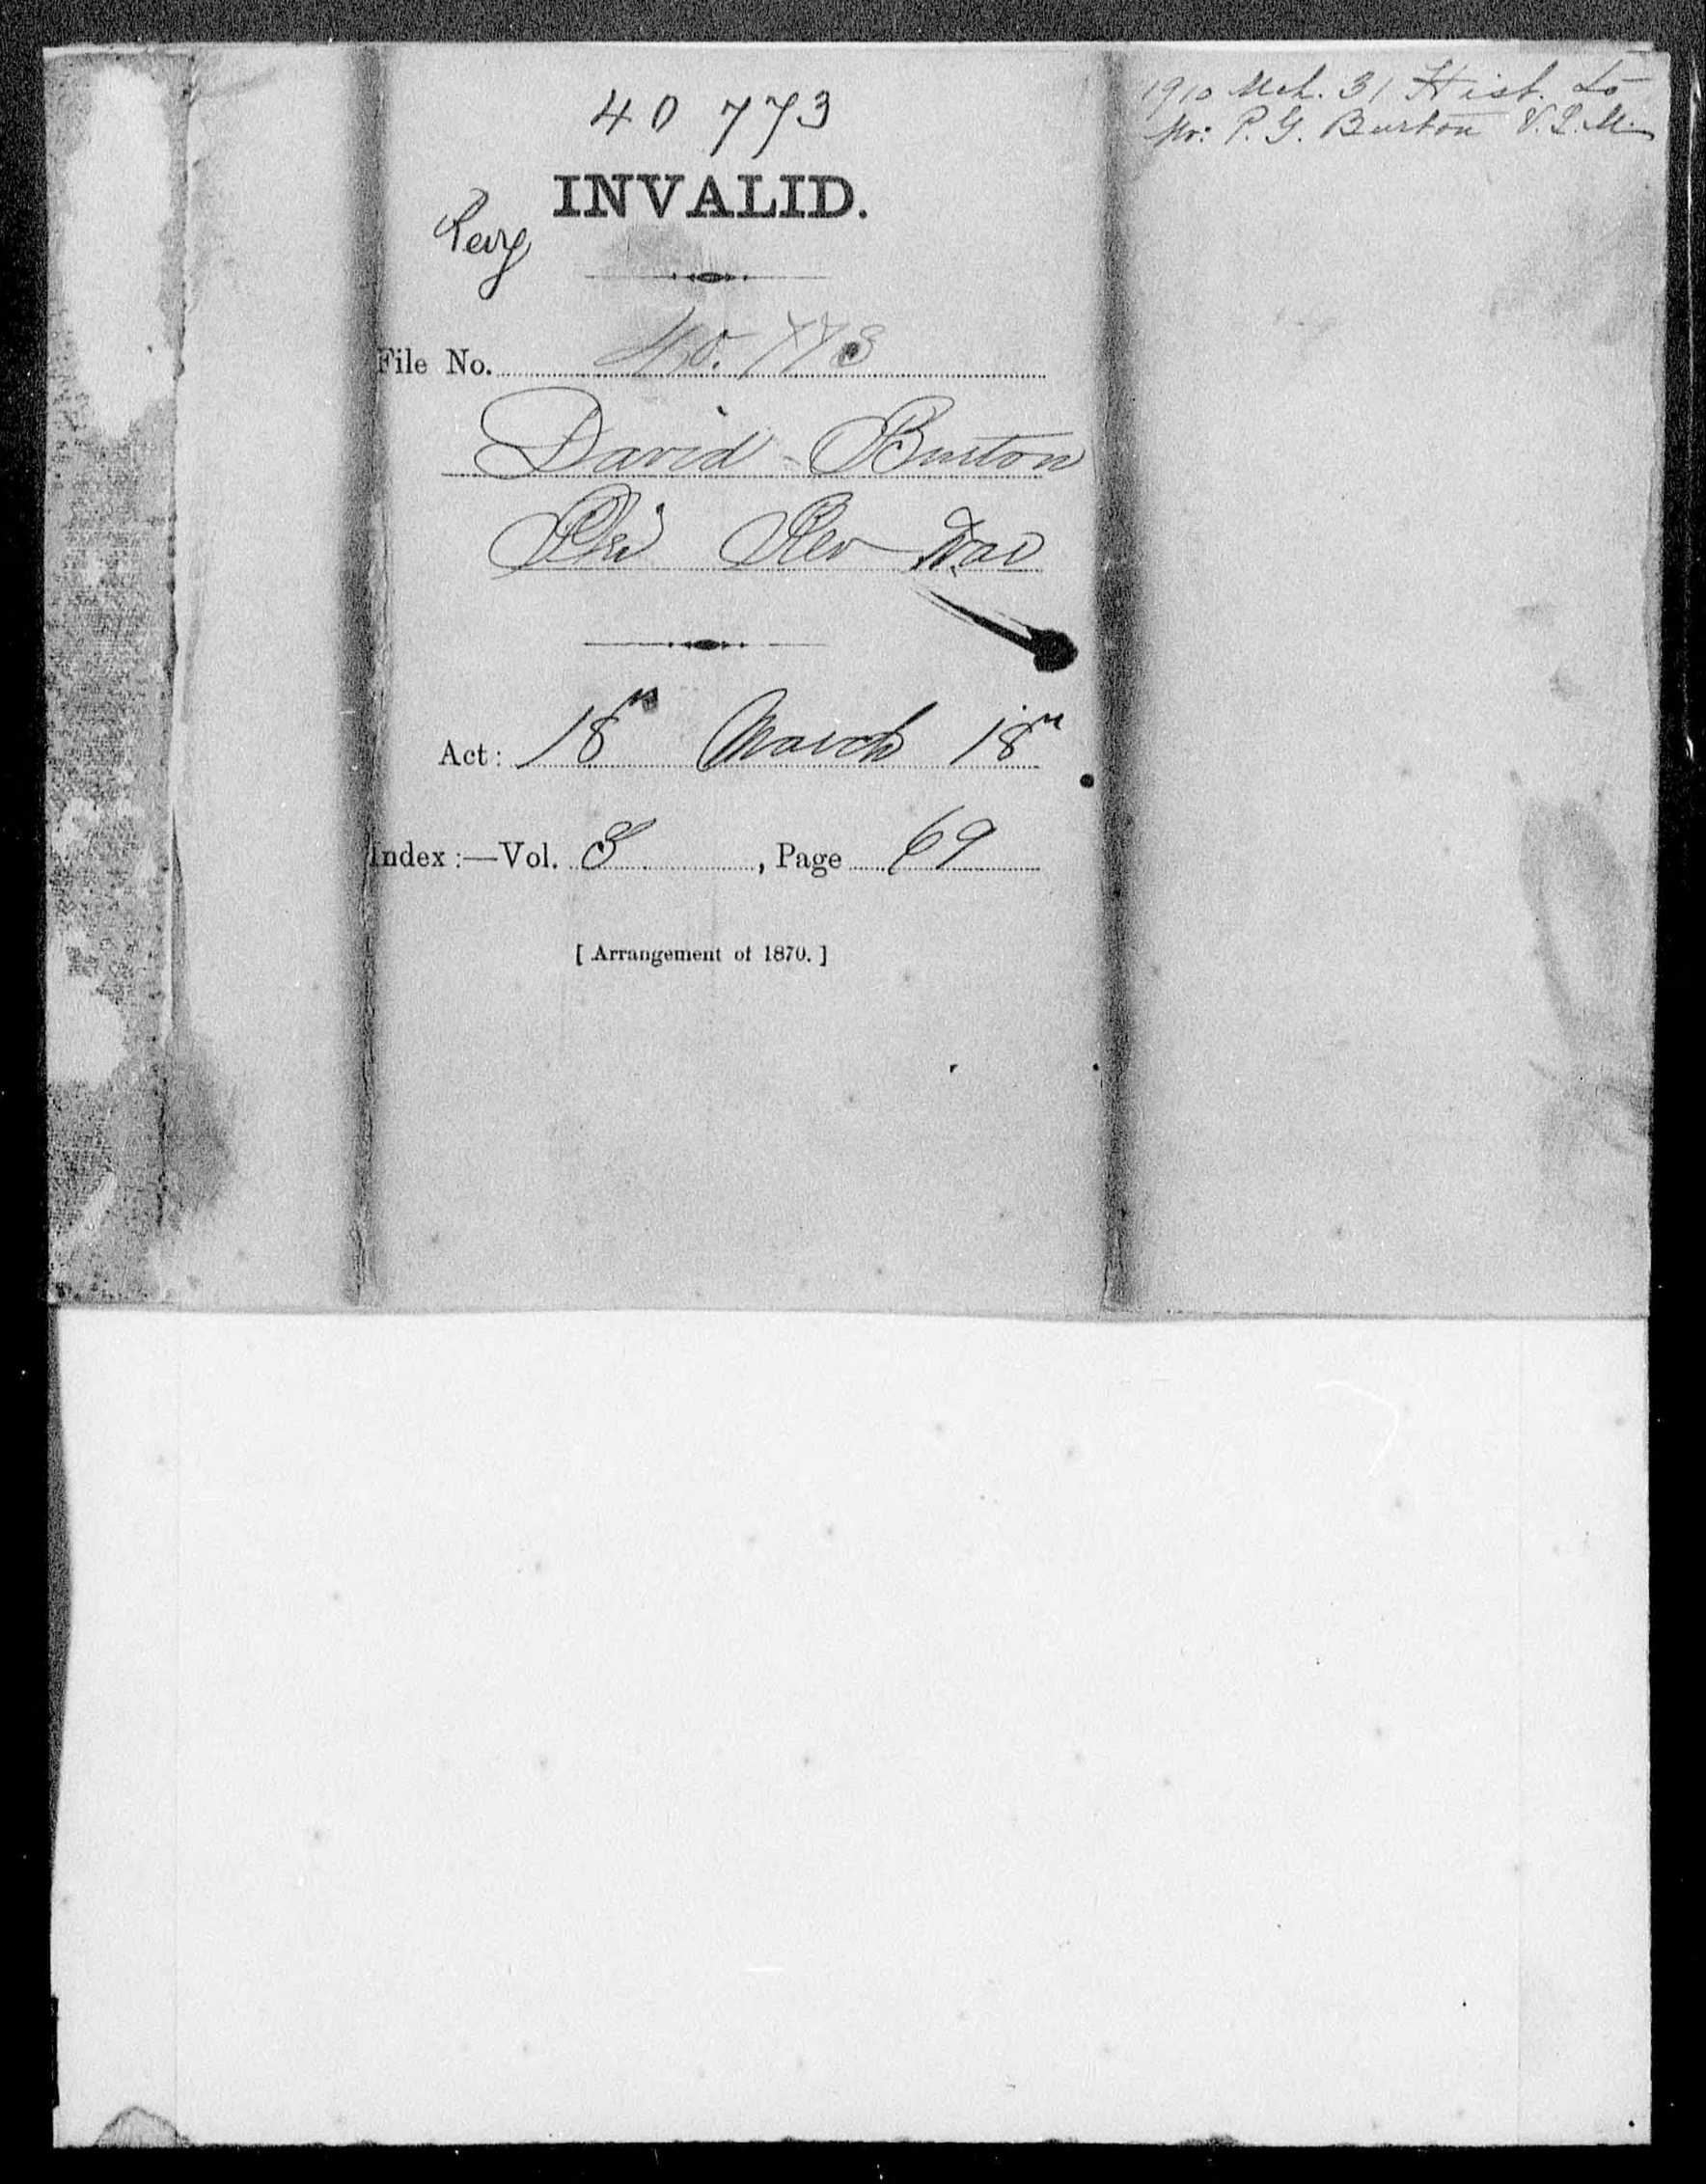40773
Revy
INVALID.
File No. 40,773
David Burton
Pri Rev War
Act: 18 March 18
Index: --Vol. 3, Page 69
[in brackets] Arrangement of 1870.



1910 Mch. 31 Hist to Mr. P. G. Burton V.L.M.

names: David Burton, P G Burton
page: 15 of 18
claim: survivor's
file: S. 40773, David Burton, N.H.